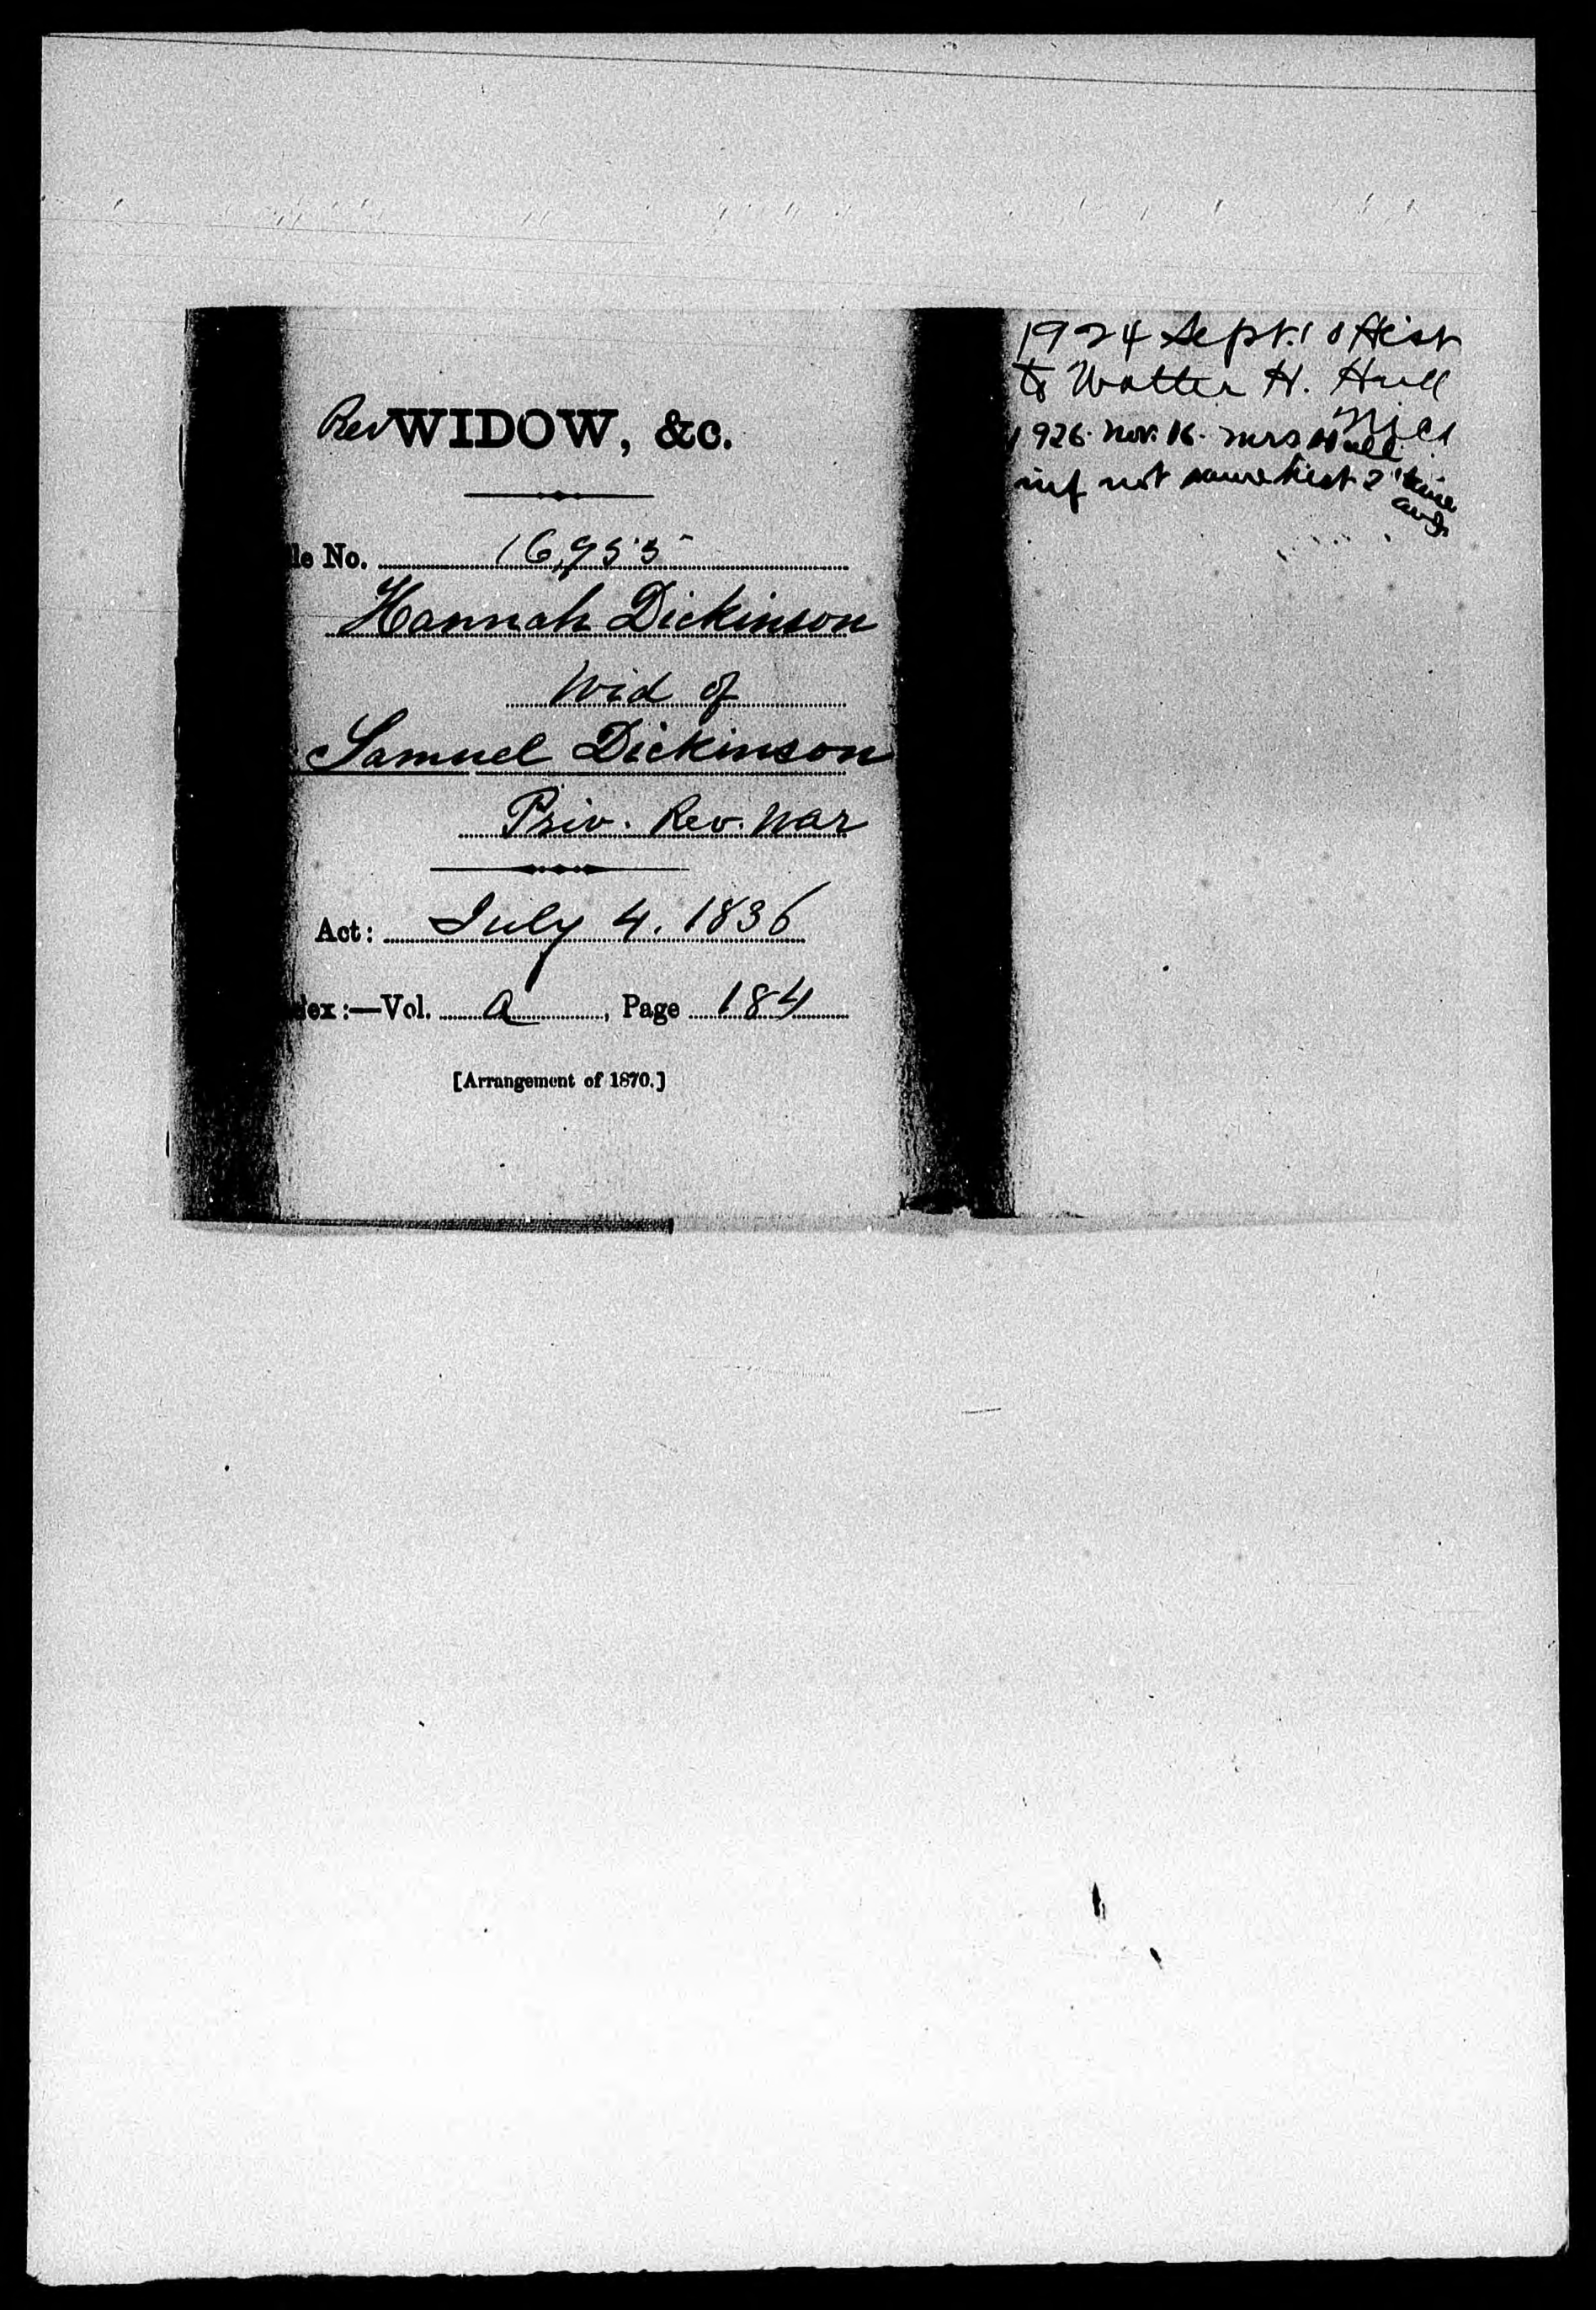Rev WIDOW, &c.

Re No. 16,955
Hannah Dickinson
Wid of Samuel Dickinson
R[] Rev War
Act: July 4, 1836
Index:-Vol. a, Page 184

[[Arrangement of 1870]]

1924 SEptr [] H[] to Watter H. H[]ll []
1926 Nov 16 - Mrs Hull
[] not [] 2 []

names: Samuel Dickinson, Hull, Walter H Hull, Hannah Dickinson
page: 27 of 60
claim: widow's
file: W 16,955, Samuel Dickinson, Conn.